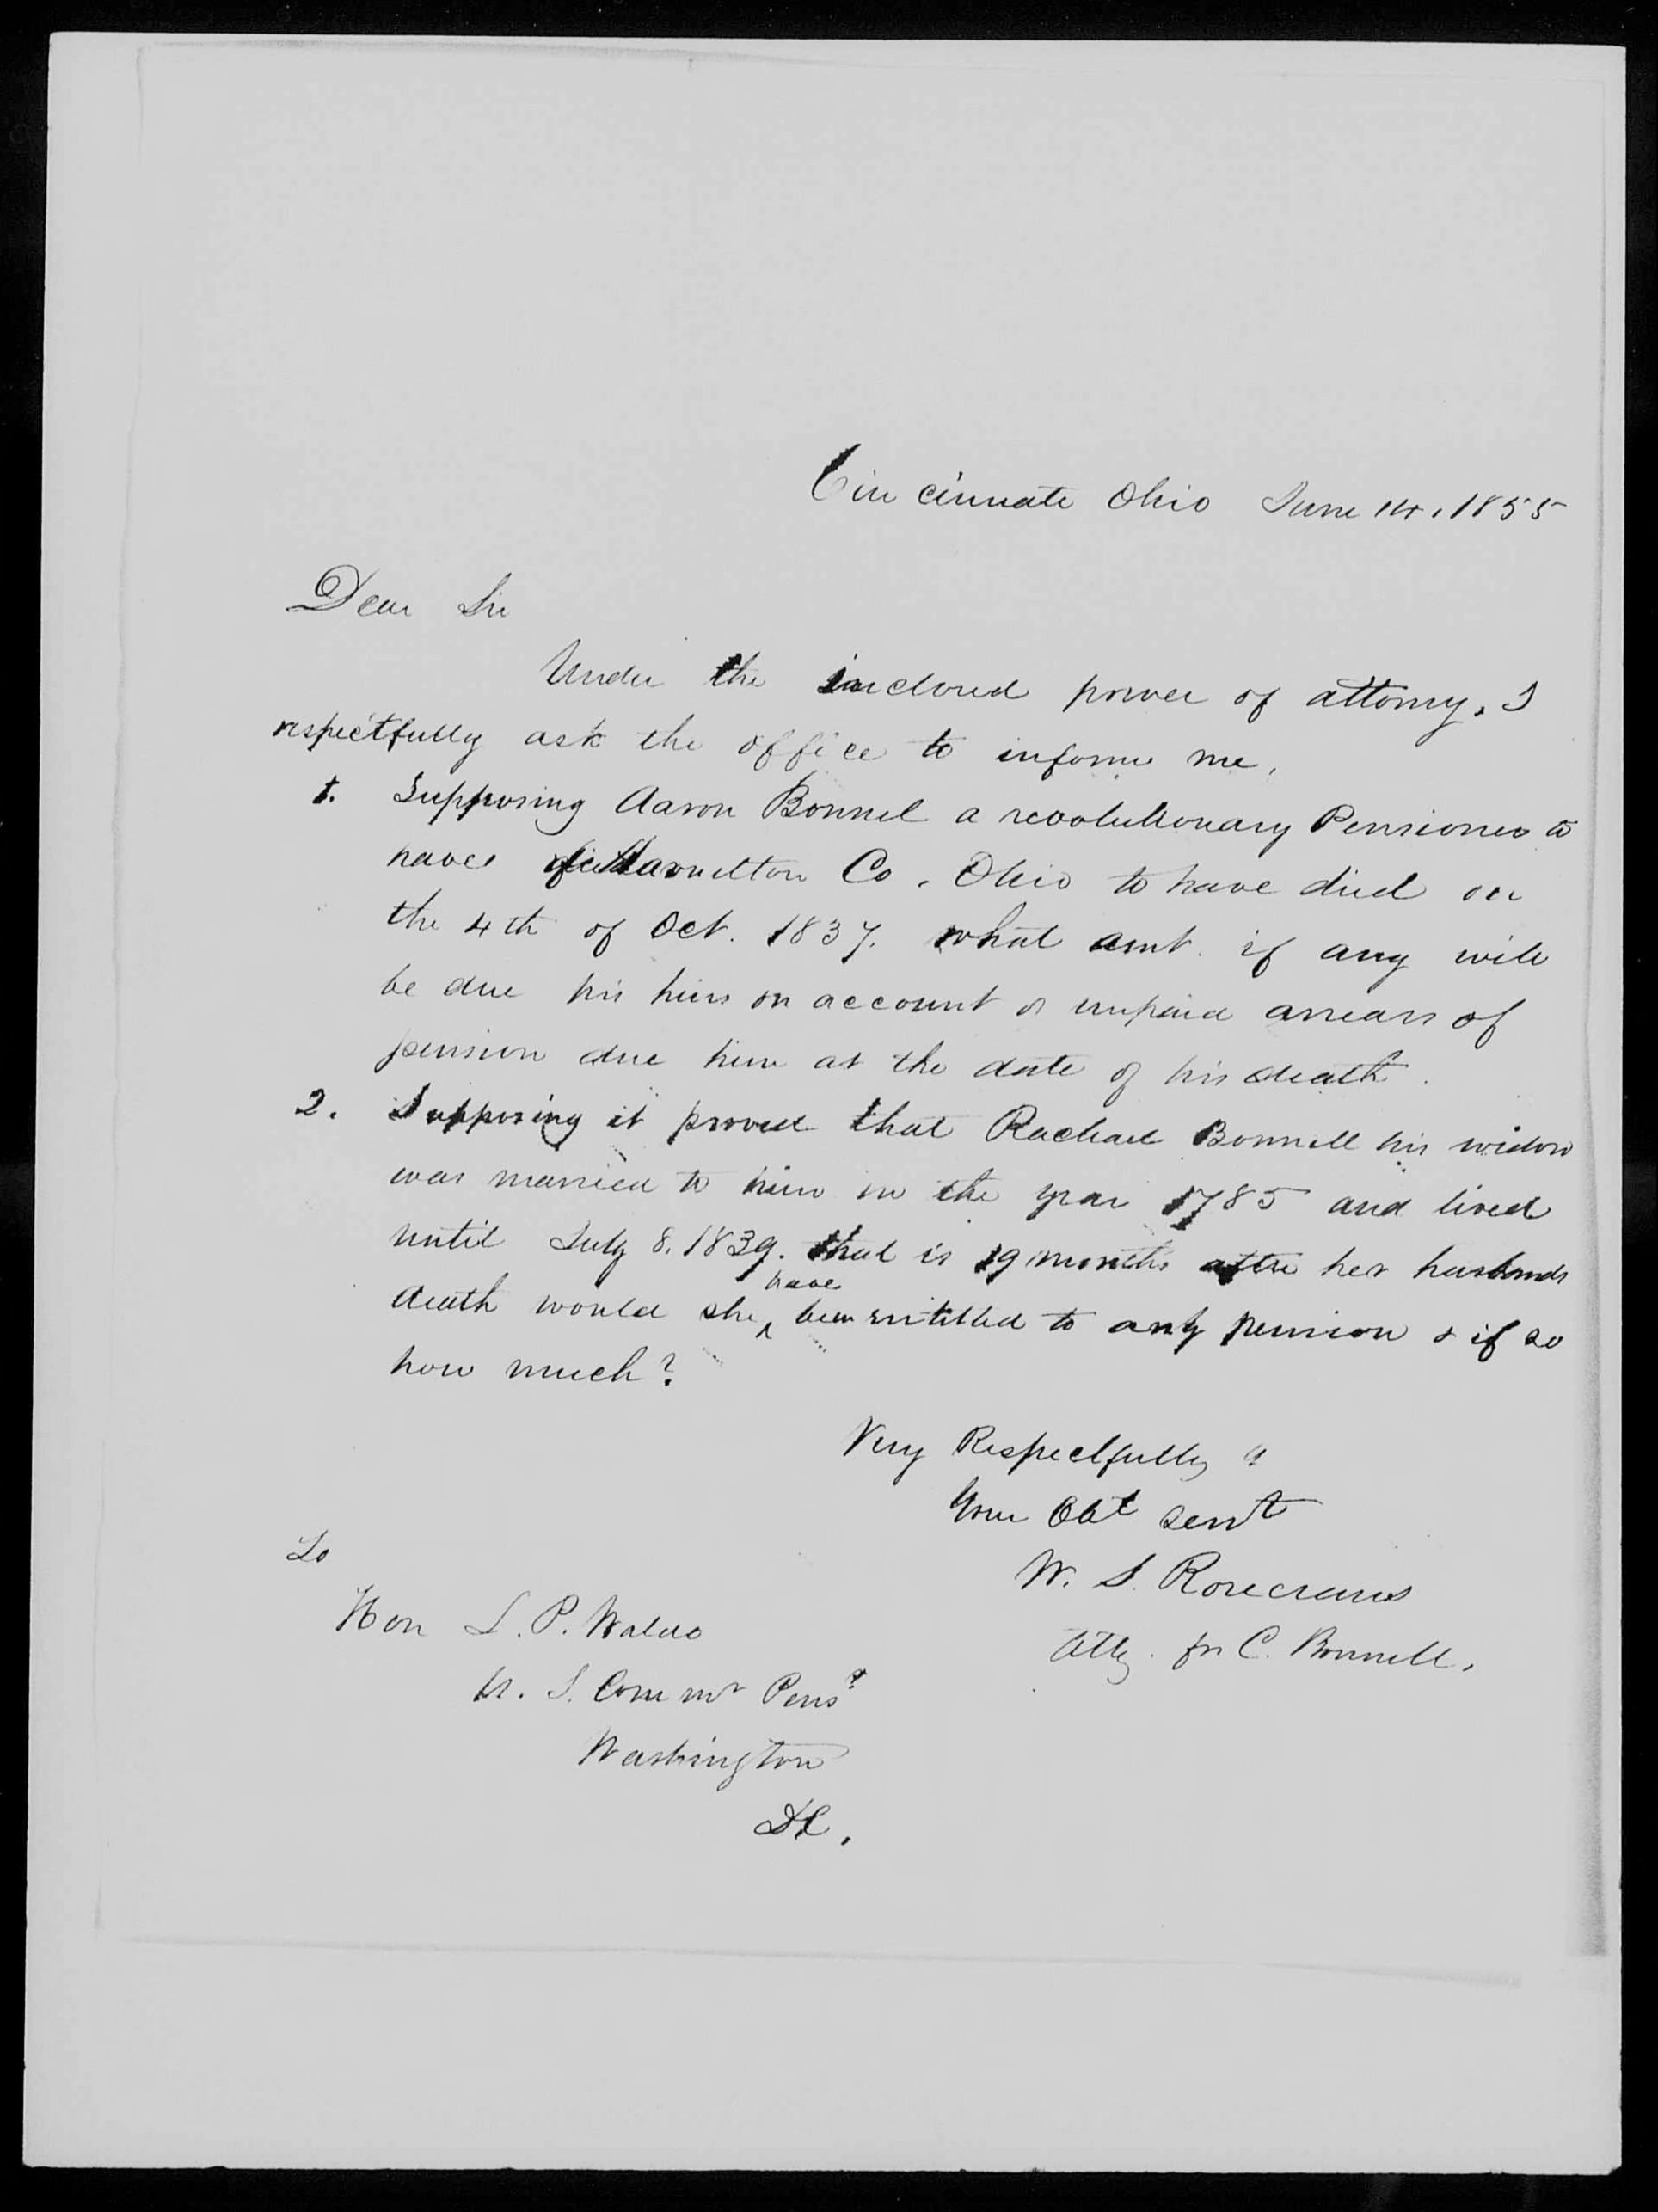Cincinnati Ohio June 14, 1855
Dear Sir
Under the enclosed power of attorney I respectfully ask the office to inform me,
1.  Supposing Aaron Bonnel a revolutionary pensioner to have of Hamilton Co. Ohio to have died on the 4th of Oct 1837 what amt if any will be due his heirs on account of unpaid arrears of pension due him at the date of his death.
2.  Supposing it proved that Rachael Bonnell his widow was married to him in the year 1785 and lived until July 8, 1839 that is 19 months after her husbands death would she have been entitled to any pension & if so how much?
Very Respectfully
Your obt Servt
W. S. Rosecrans
Atty for C. Bonnell

To Hon. L P Waldo
U.S. Comm Pens
Washington 
D.C.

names: W S Rosecrans, L P Waldo, Aaron Bonnel, C Bonnell, Rachael Bonnell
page: 35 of 67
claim: rejected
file: R. 1009, Aaron Bonnel, New Jersey